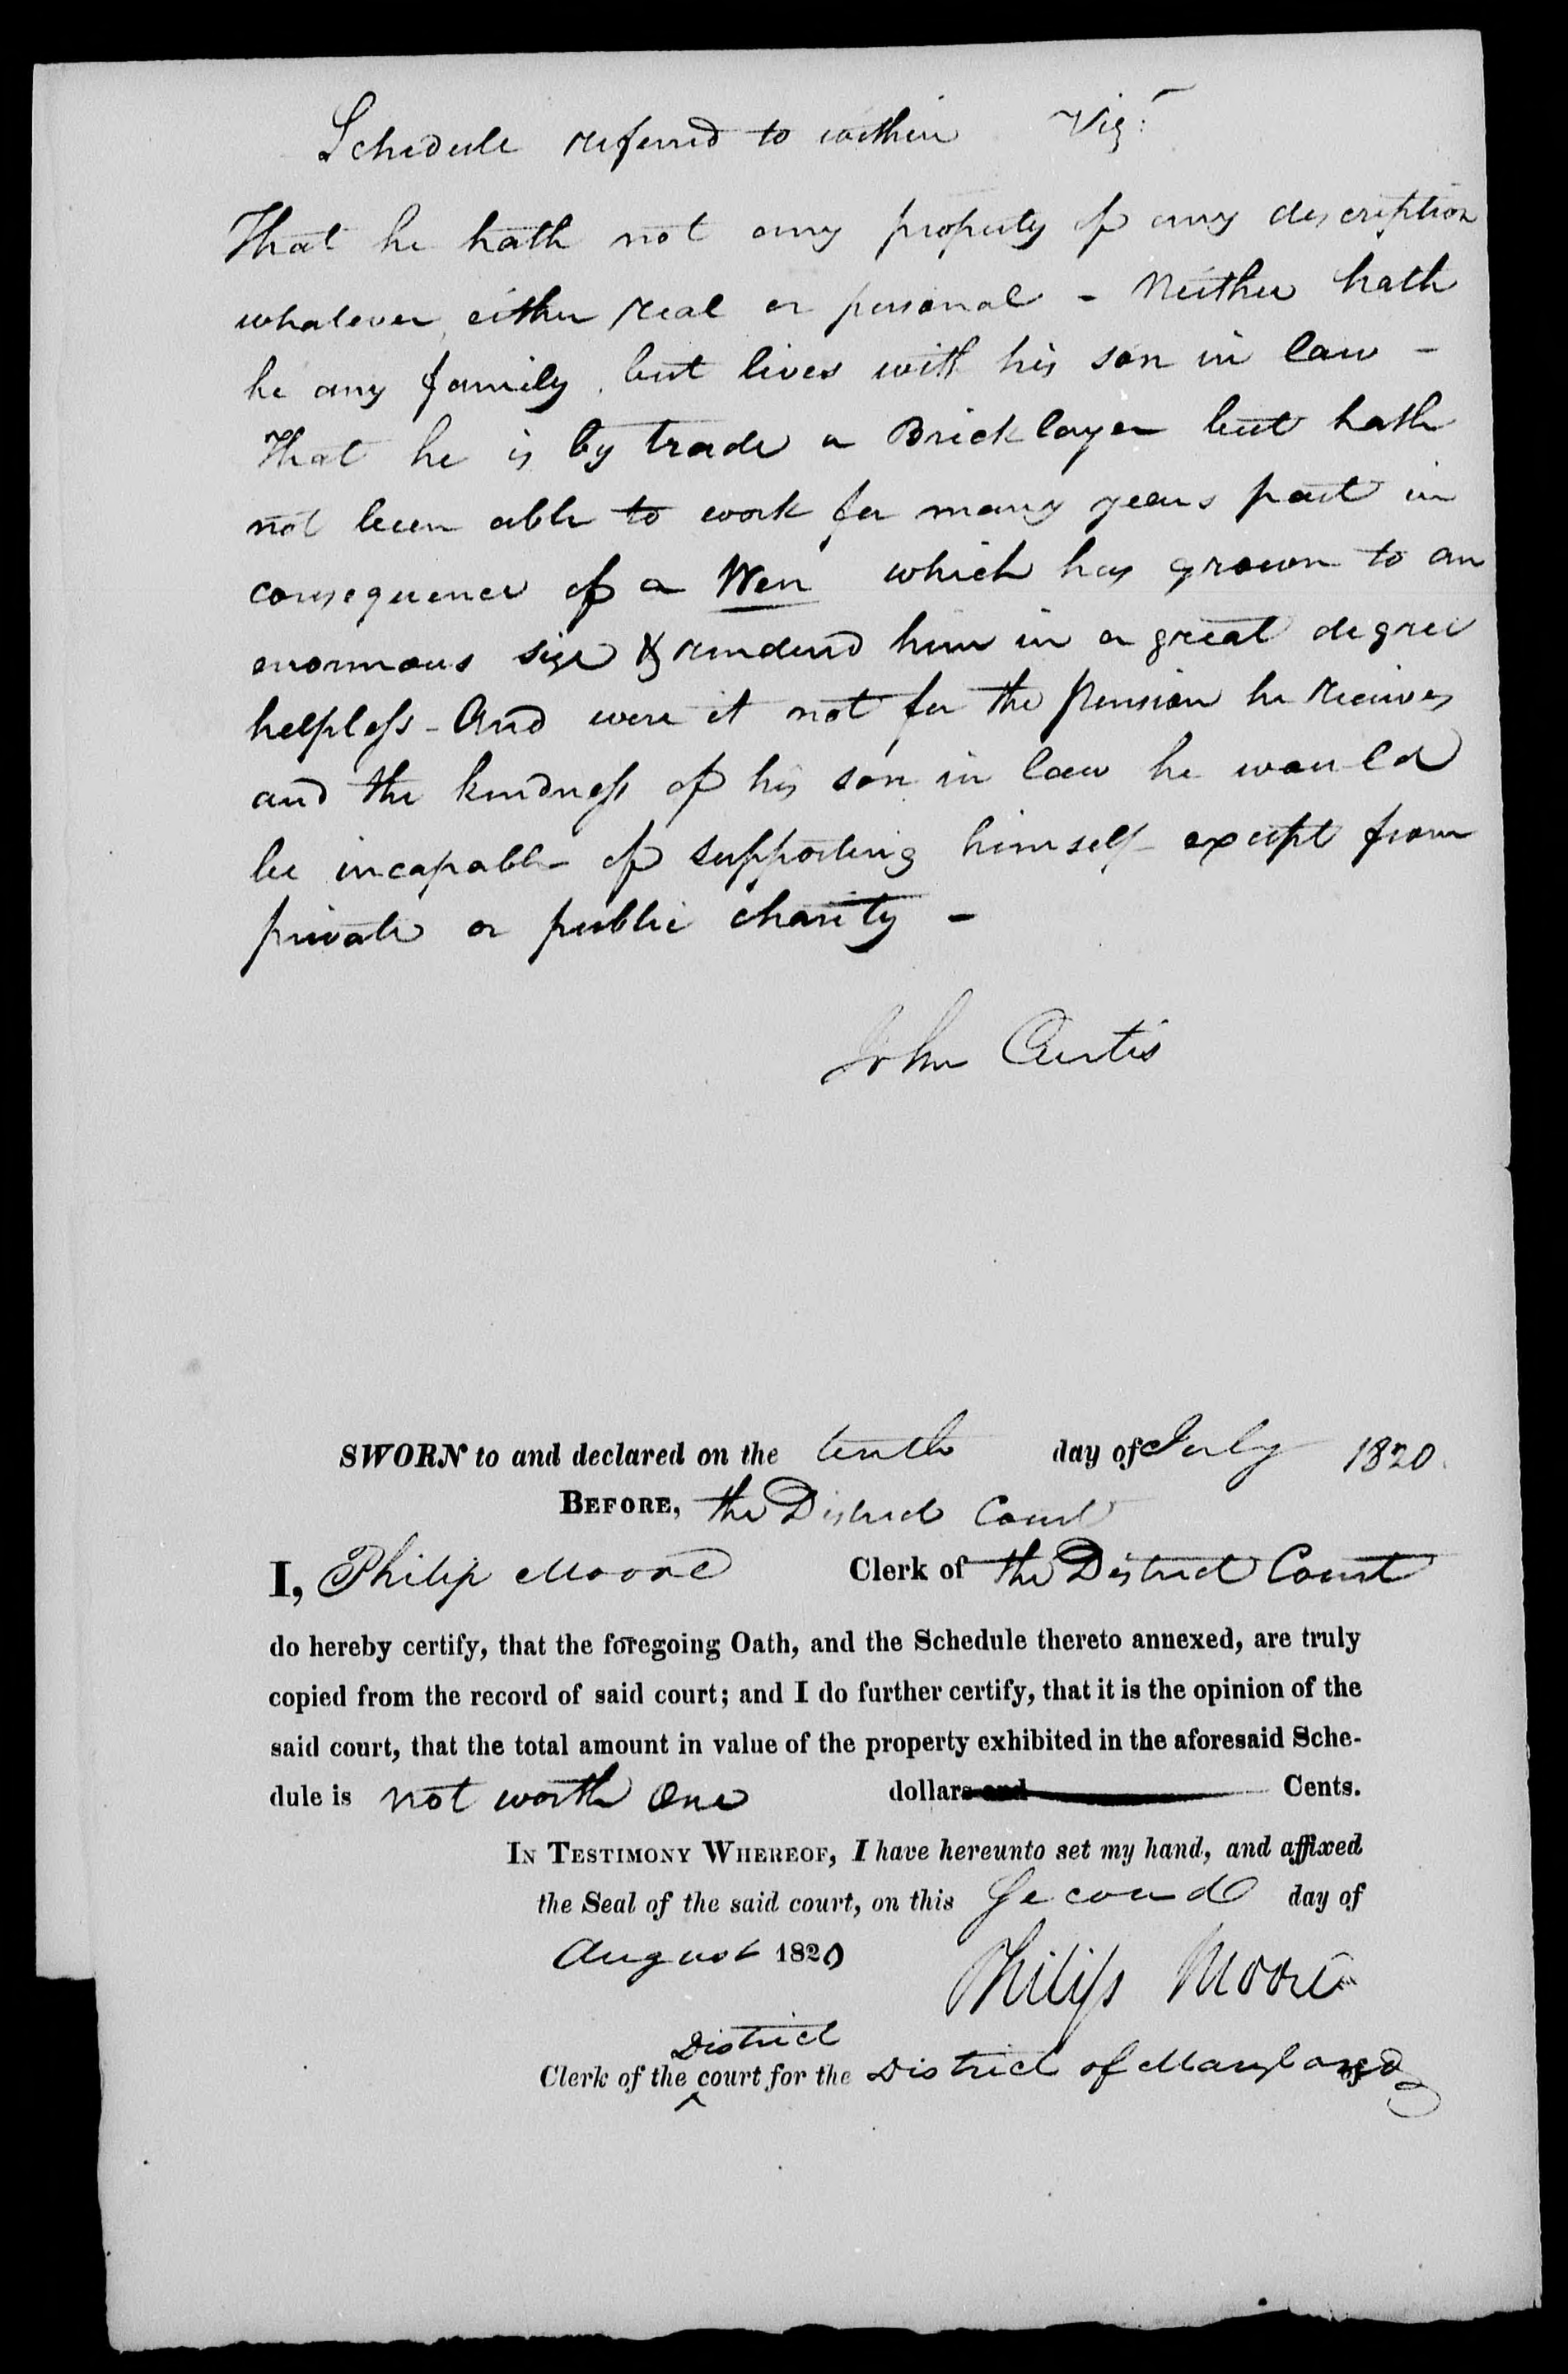Schedule referred to within Viz: --
That he hath not any property of any description whatever either real or personal - Neither hath he any family, but lives with his son in law That he is by trade a Bricklayer but hath not been able to work for many years past in consequence of a Wen which has grown to an enormous size & rendered him in a great degree helpless - And were it not for the pension he receive and the kindness of his son in law he would be incapable of supporting himself except from private or public charity-
John Curtis

SWORN to and declared on the tenth day of July 1820.
BEFORE, the District Court
I, Philip Moore Clerk of the District Court do hereby certify, that the foregoing Oath, and the Schedule thereto annexed, are truly copied from the record of said court; and I do further certify, that it is the opinion of the said court, that the total amount in value of the property exhibited in the aforesaid Schedule is not worth one dollar - Cents.
IN TESTIMONY WHEREOF, I have hereunto set my hand, and affixed
the Seal of the said court, on this second day of August 1820
Philip Moore
Clerk of the District Court for the District of Maryland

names: Philip Moore, Philip Moore, John Curtis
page: 6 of 26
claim: survivor's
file: S. 34,725, John Curtis, Md.